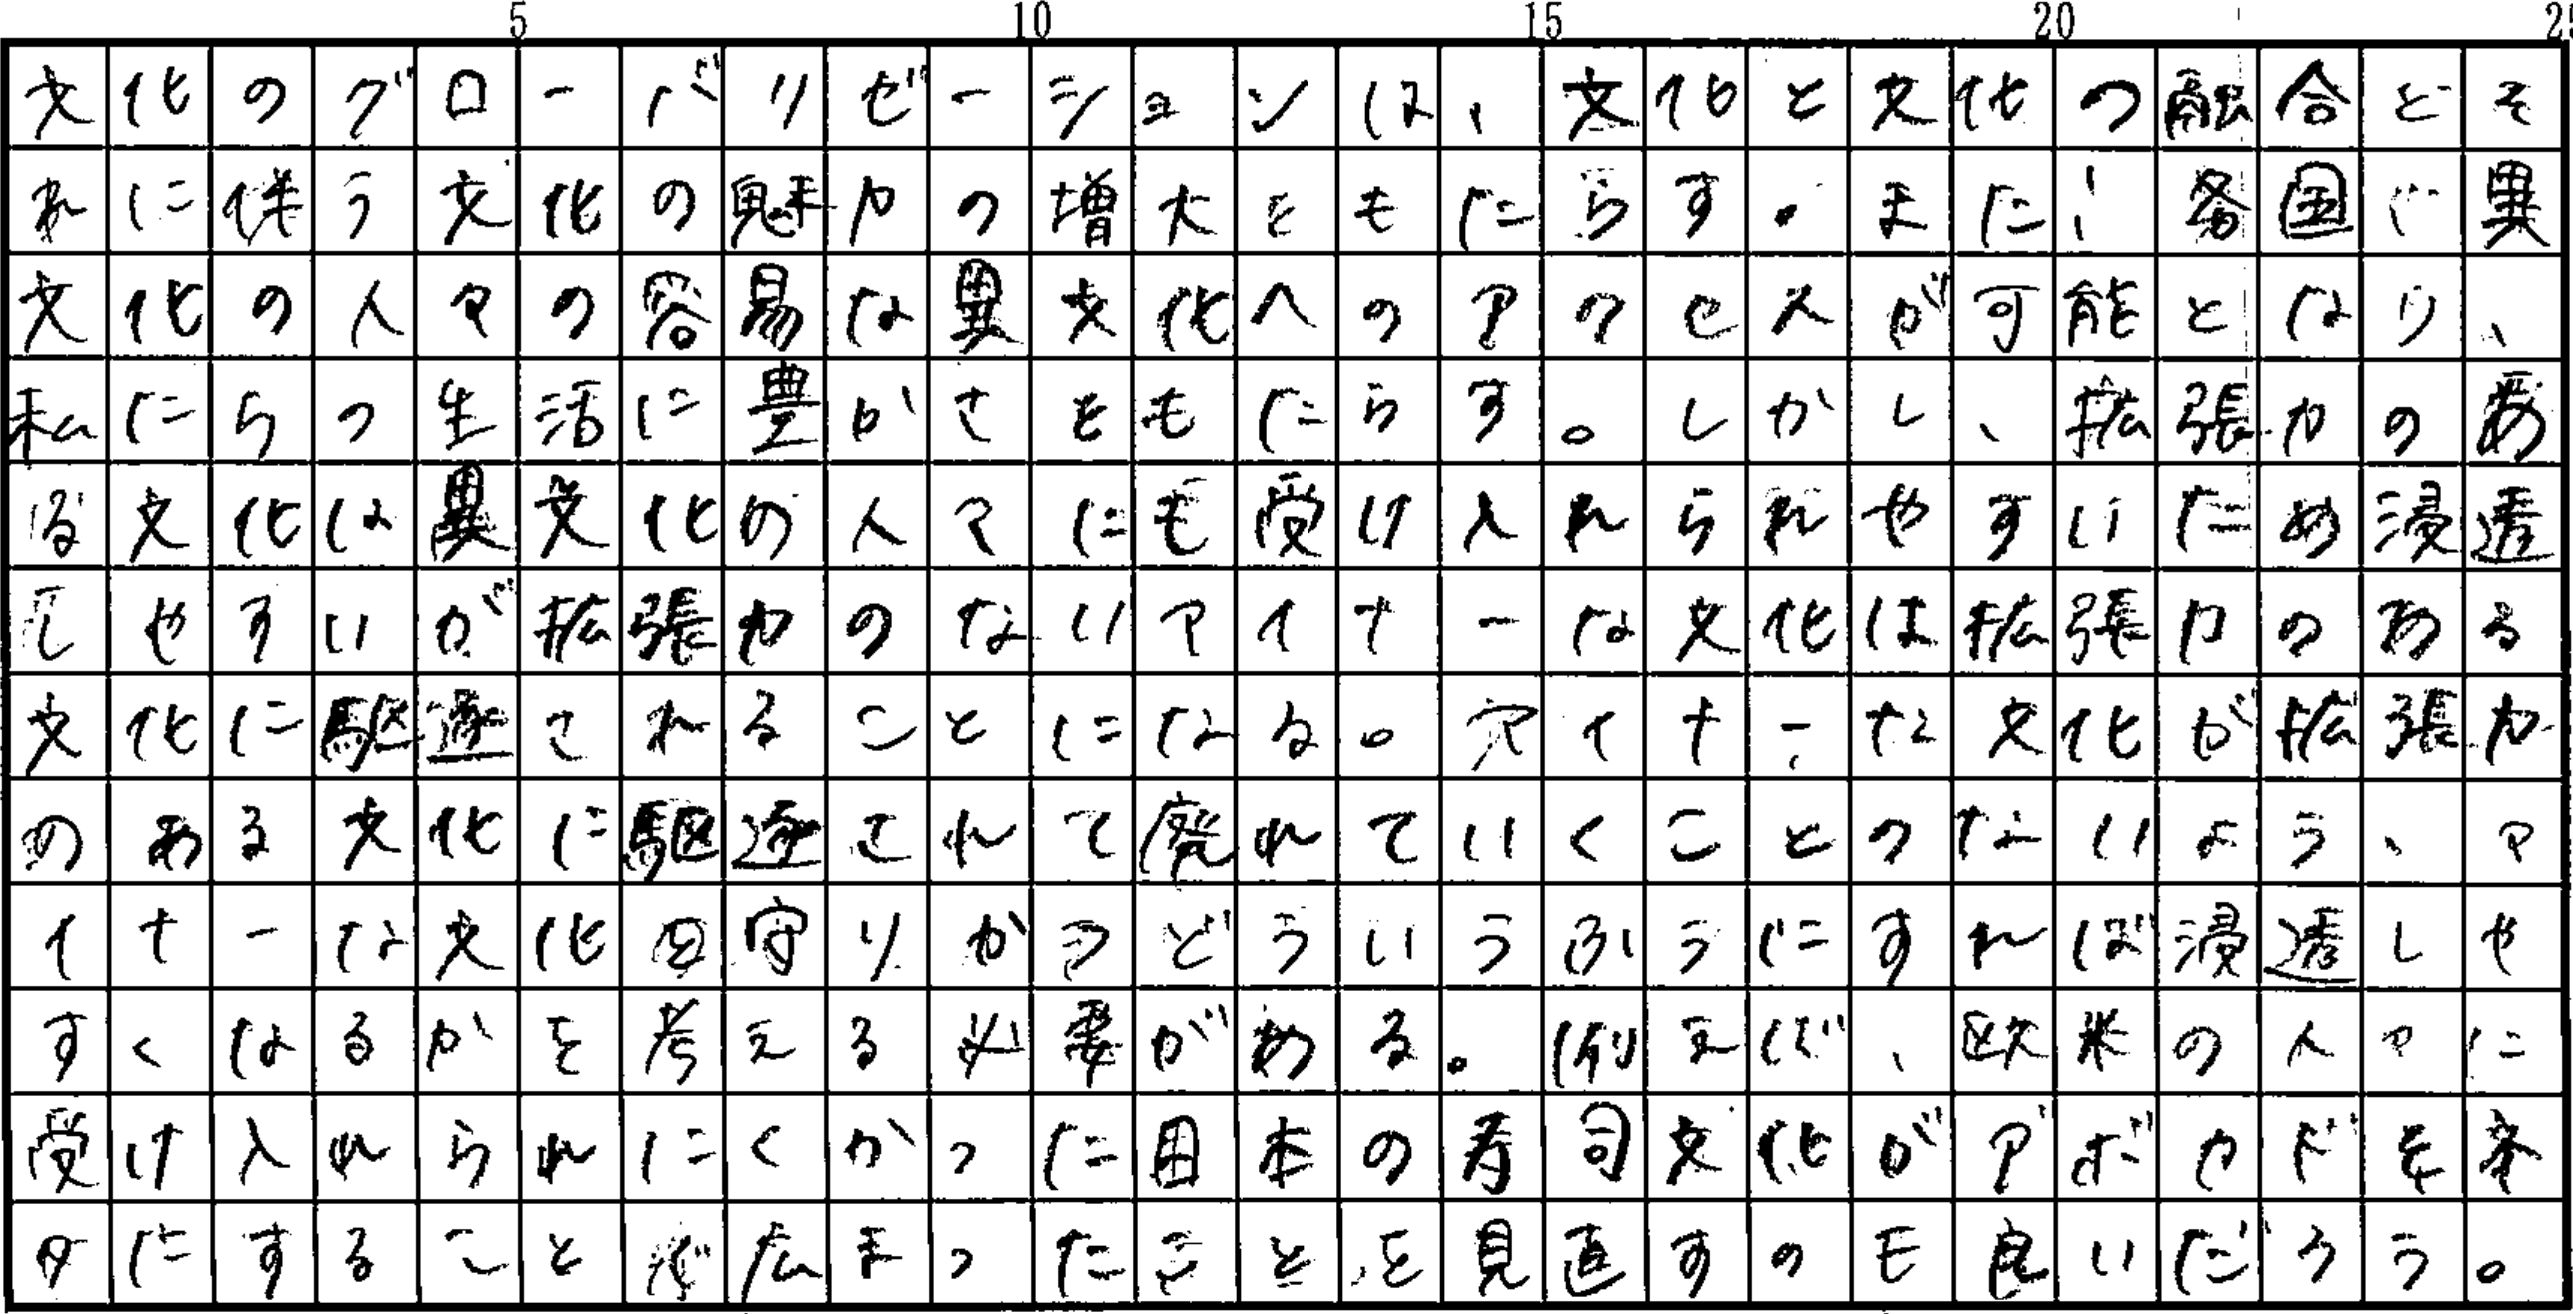文化のグローバリゼーションは、文化と文化の融合とそれに伴う文化の魅力の増大をもたらす。また、各国、異文化の人々の容易な異文化へのアクセスが可能となり、私たちの生活に豊かさをもたらす。しかし、拡張力のある文化は異文化の人々にも受け入れられやすいため浸透しやすいが拡張力のないマイナーな文化は拡張力のある文化に駆逐されることになる。マイナーな文化が拡張力のある文化に駆逐されて廃れていくことのないよう、マイナーな文化を守りかつどういうふうにすれば浸透しやすくなるかを考える必要がある。例えば、欧米の人々に受け入れられにくかった日本の寿司文化がアボカドをネタにすることで広まったことを見直すのも良いだろう。
